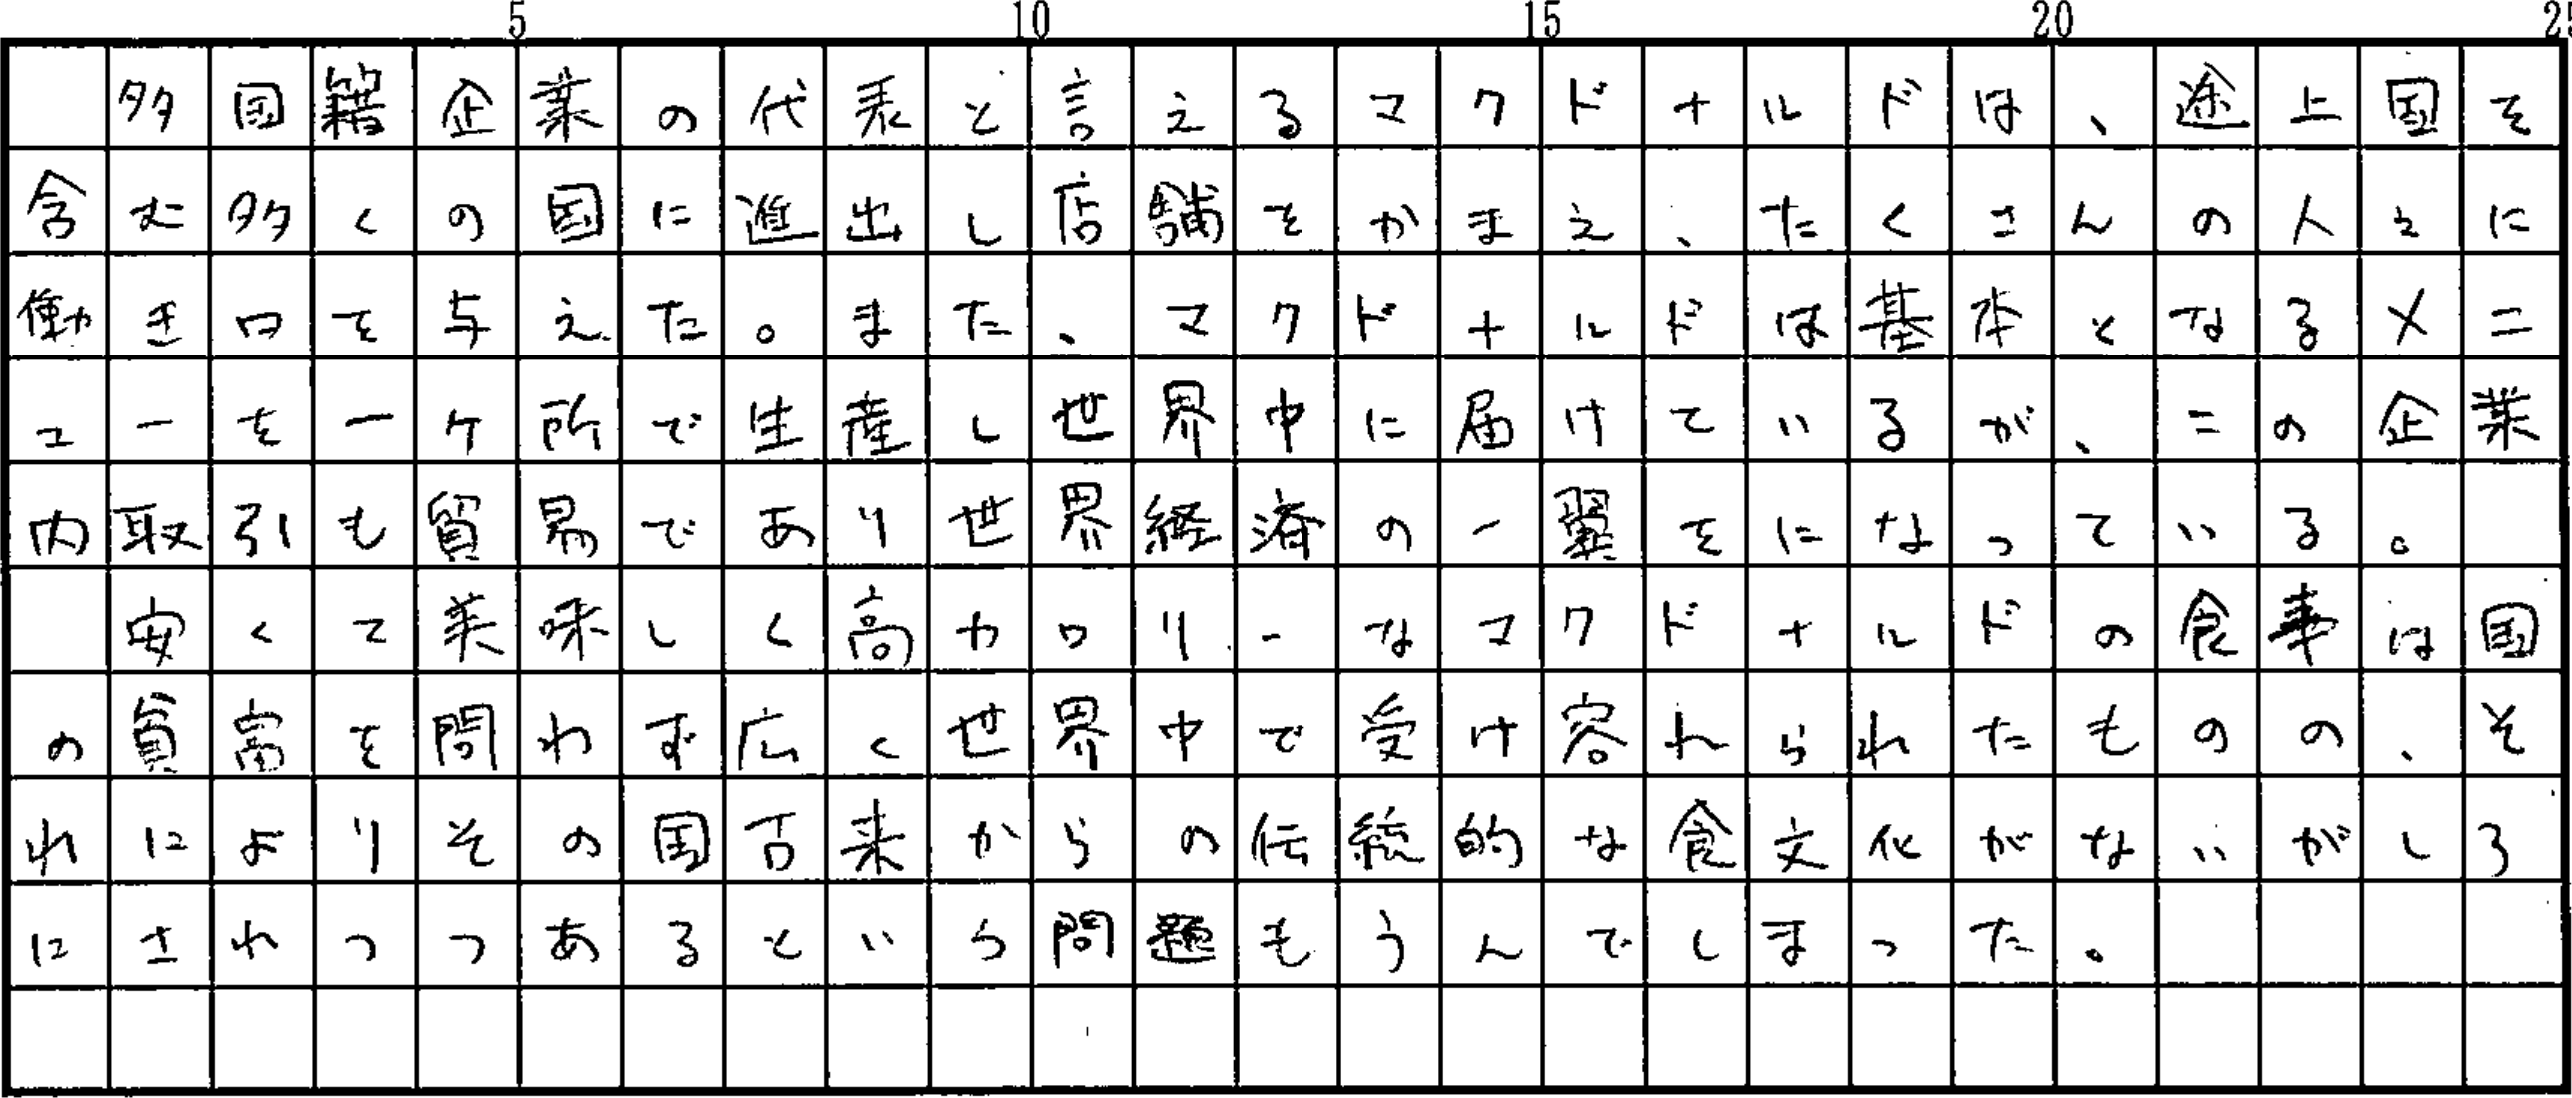　多国籍企業の代表と言えるマクドナルドは、途上国を含む多くの国に進出し店舗をかまえ、たくさんの人々に働き口を与えた。また、マクドナルドは基本となるメニューを一ヶ所で生産し世界中に届けているが、この企業内取引も貿易であり世界経済の一翼をになっている。
　安くて美味しく高カロリーなマクドナルドの食事は国の貧富を問わず広く世界中で受け容れられたものの、それによりその国古来からの伝統的な食文化がないがしろにされつつあるという問題もうんでしまった。
